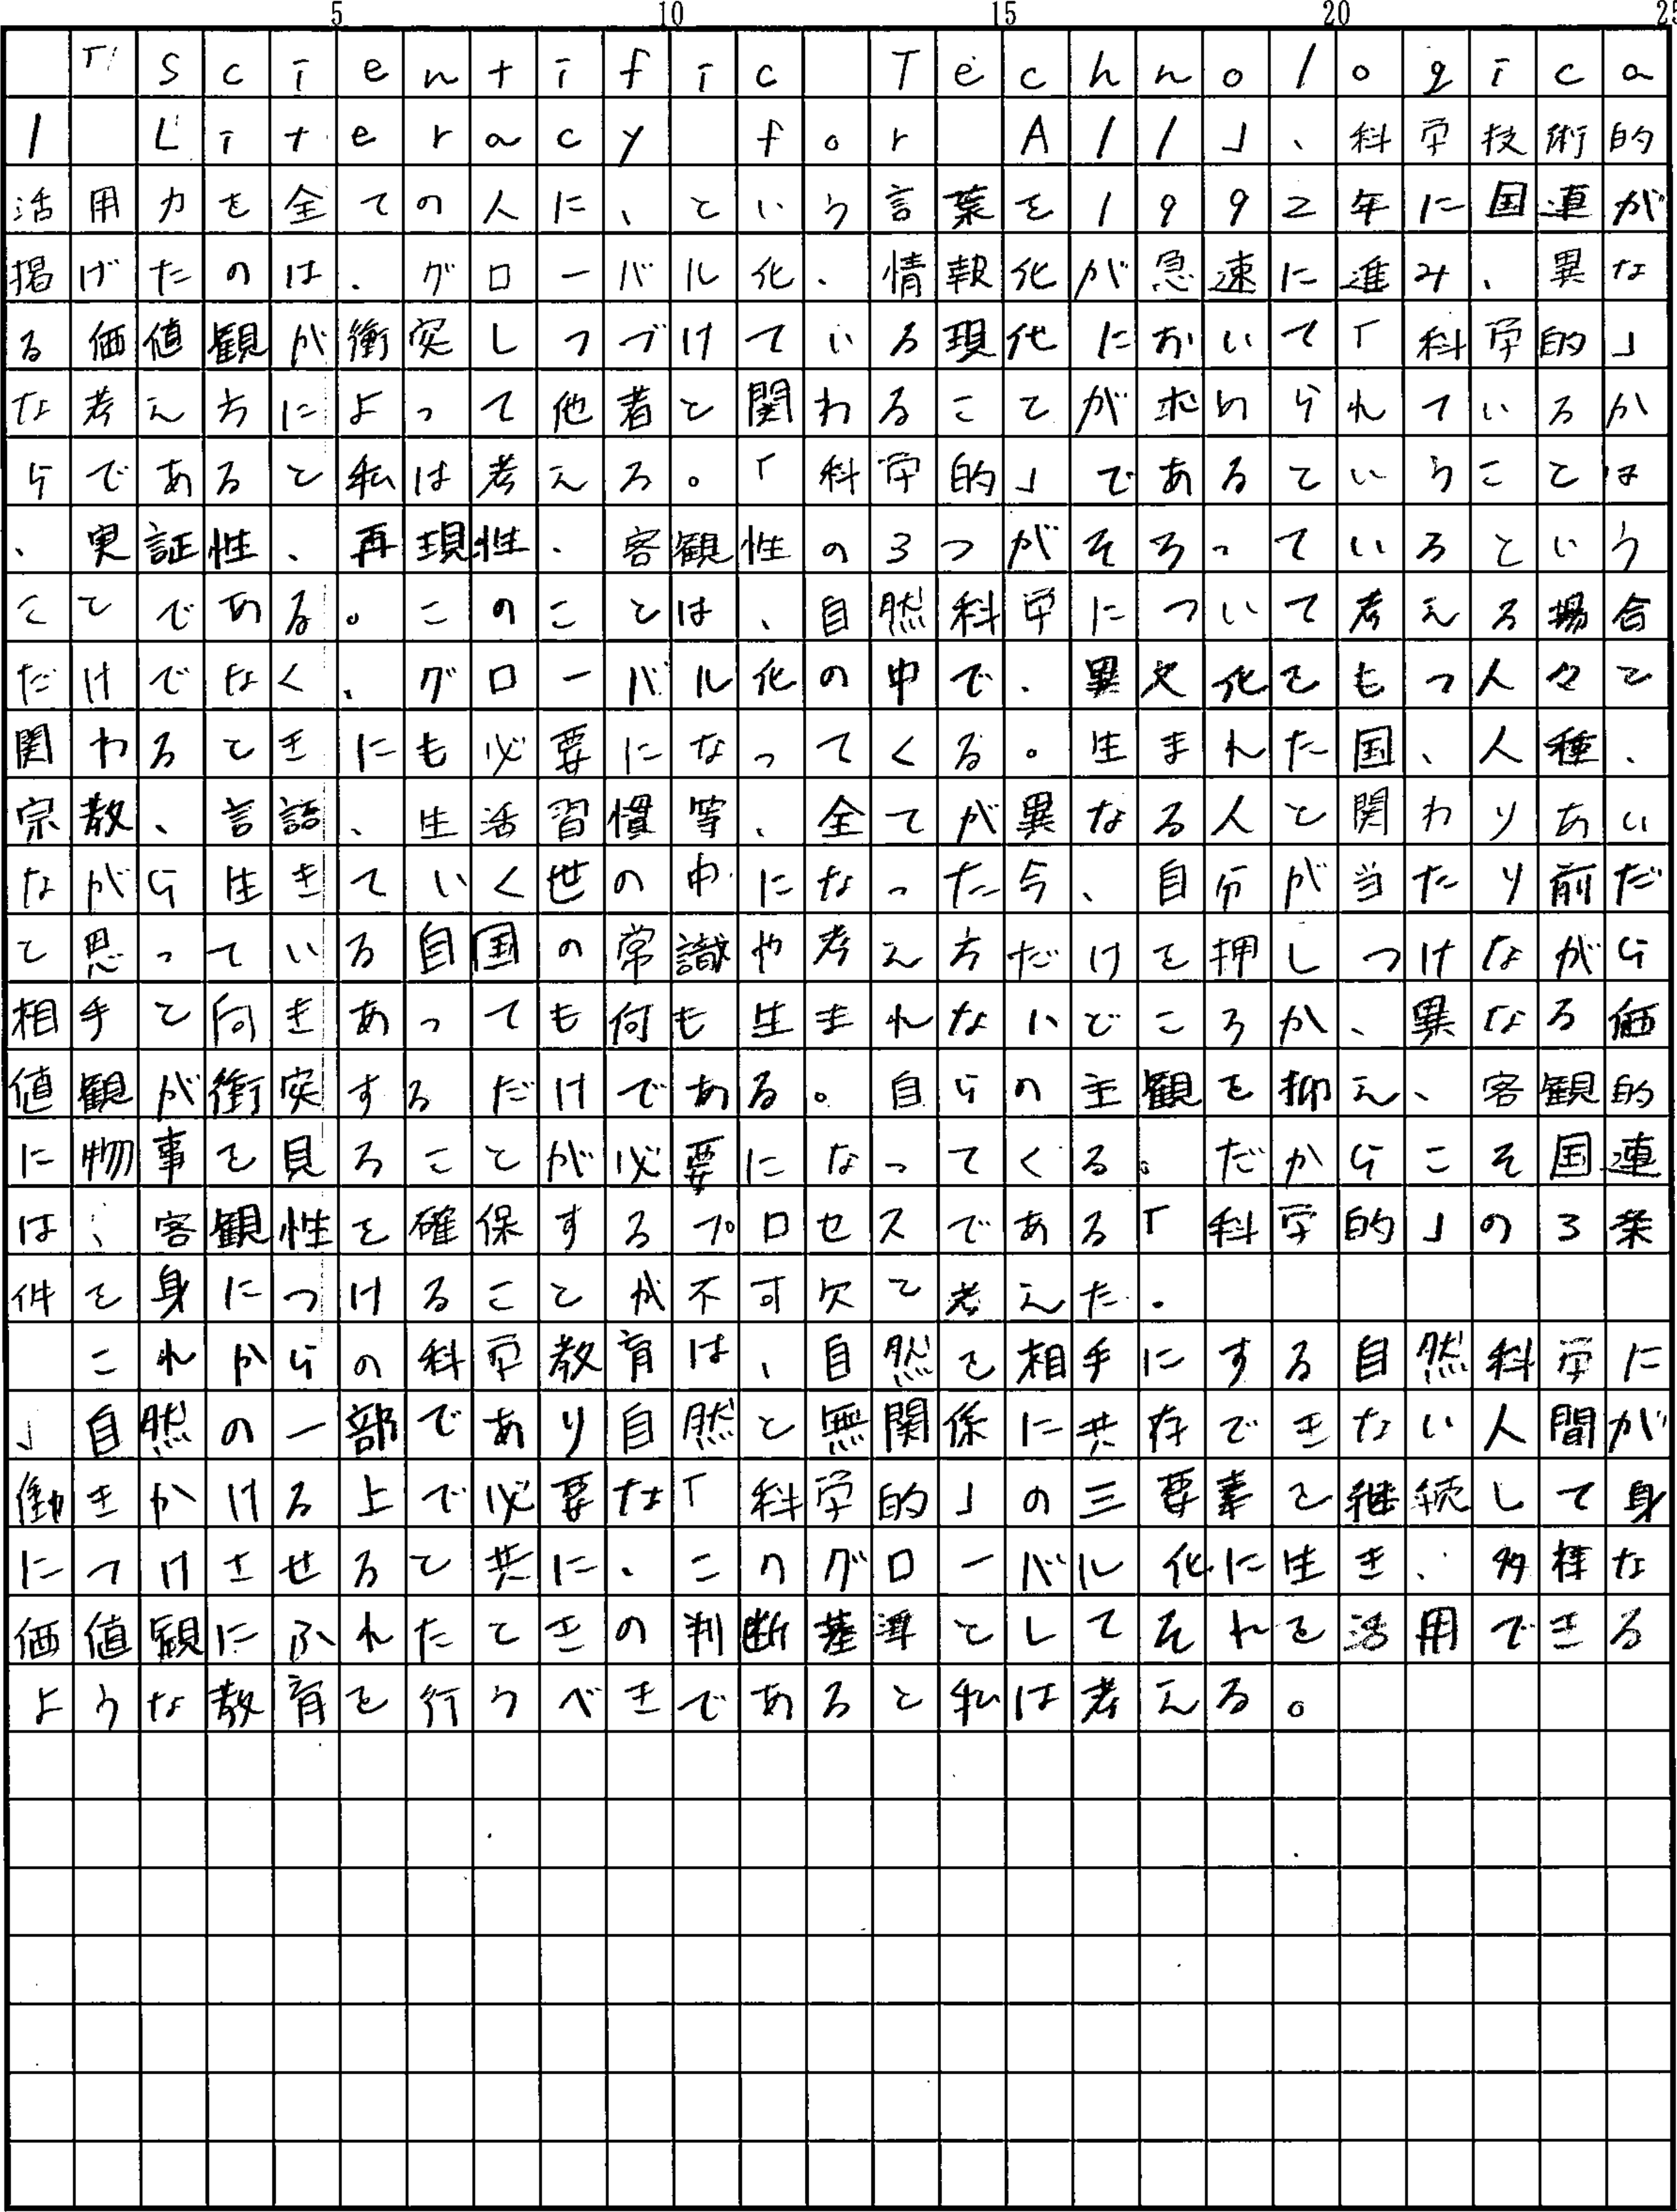　「Ｓｃｉｅｎｔｉｆｉｃ　Ｔｅｃｈｎｏｌｏｇｉｃａｌ　Ｌｉｔｅｒａｃｙ　ｆｏｒ　Ａｌｌ」、科学技術的活用力を全ての人に、という言葉を１９９２年に国連が掲げたのは、グローバル化、情報化が急速に進み、異なる価値観が衝突しつづけている現代において「科学的」な考え方によって他者と関わることが求められているからであると私は考える。「科学的」であるということは、実証性、再現性、客観性の３つがそろっているということである。このことは、自然科学について考える場合だけでなく、グローバル化の中で、異文化をもつ人々と関わるときにも必要になってくる。生まれた国、人種、宗教、言語、生活習慣等、全てが異なる人と関わりあいながら生きていく世の中になった今、自分が当たり前だと思っている自国の常識や考え方だけを押しつけながら相手と向き合っても何も生まれないどころか、異なる価値観が衝突するだけである。自らの主観を抑え、客観的に物事を見ることが必要になってくる。だからこそ国連は、客観性を確保するプロセスである「科学的」の３条件を身につけることが不可欠と考えた。
　これからの科学教育は、自然を相手にする自然科学に、自然の一部であり自然と無関係に共存できない人間が働きかける上で必要な「科学的」の三要素を継続して身につけさせると共に、このグローバル化に生き、多様な価値観にふれたときの判断基準としてそれを活用できるような教育を行うべきであると私は考える。
